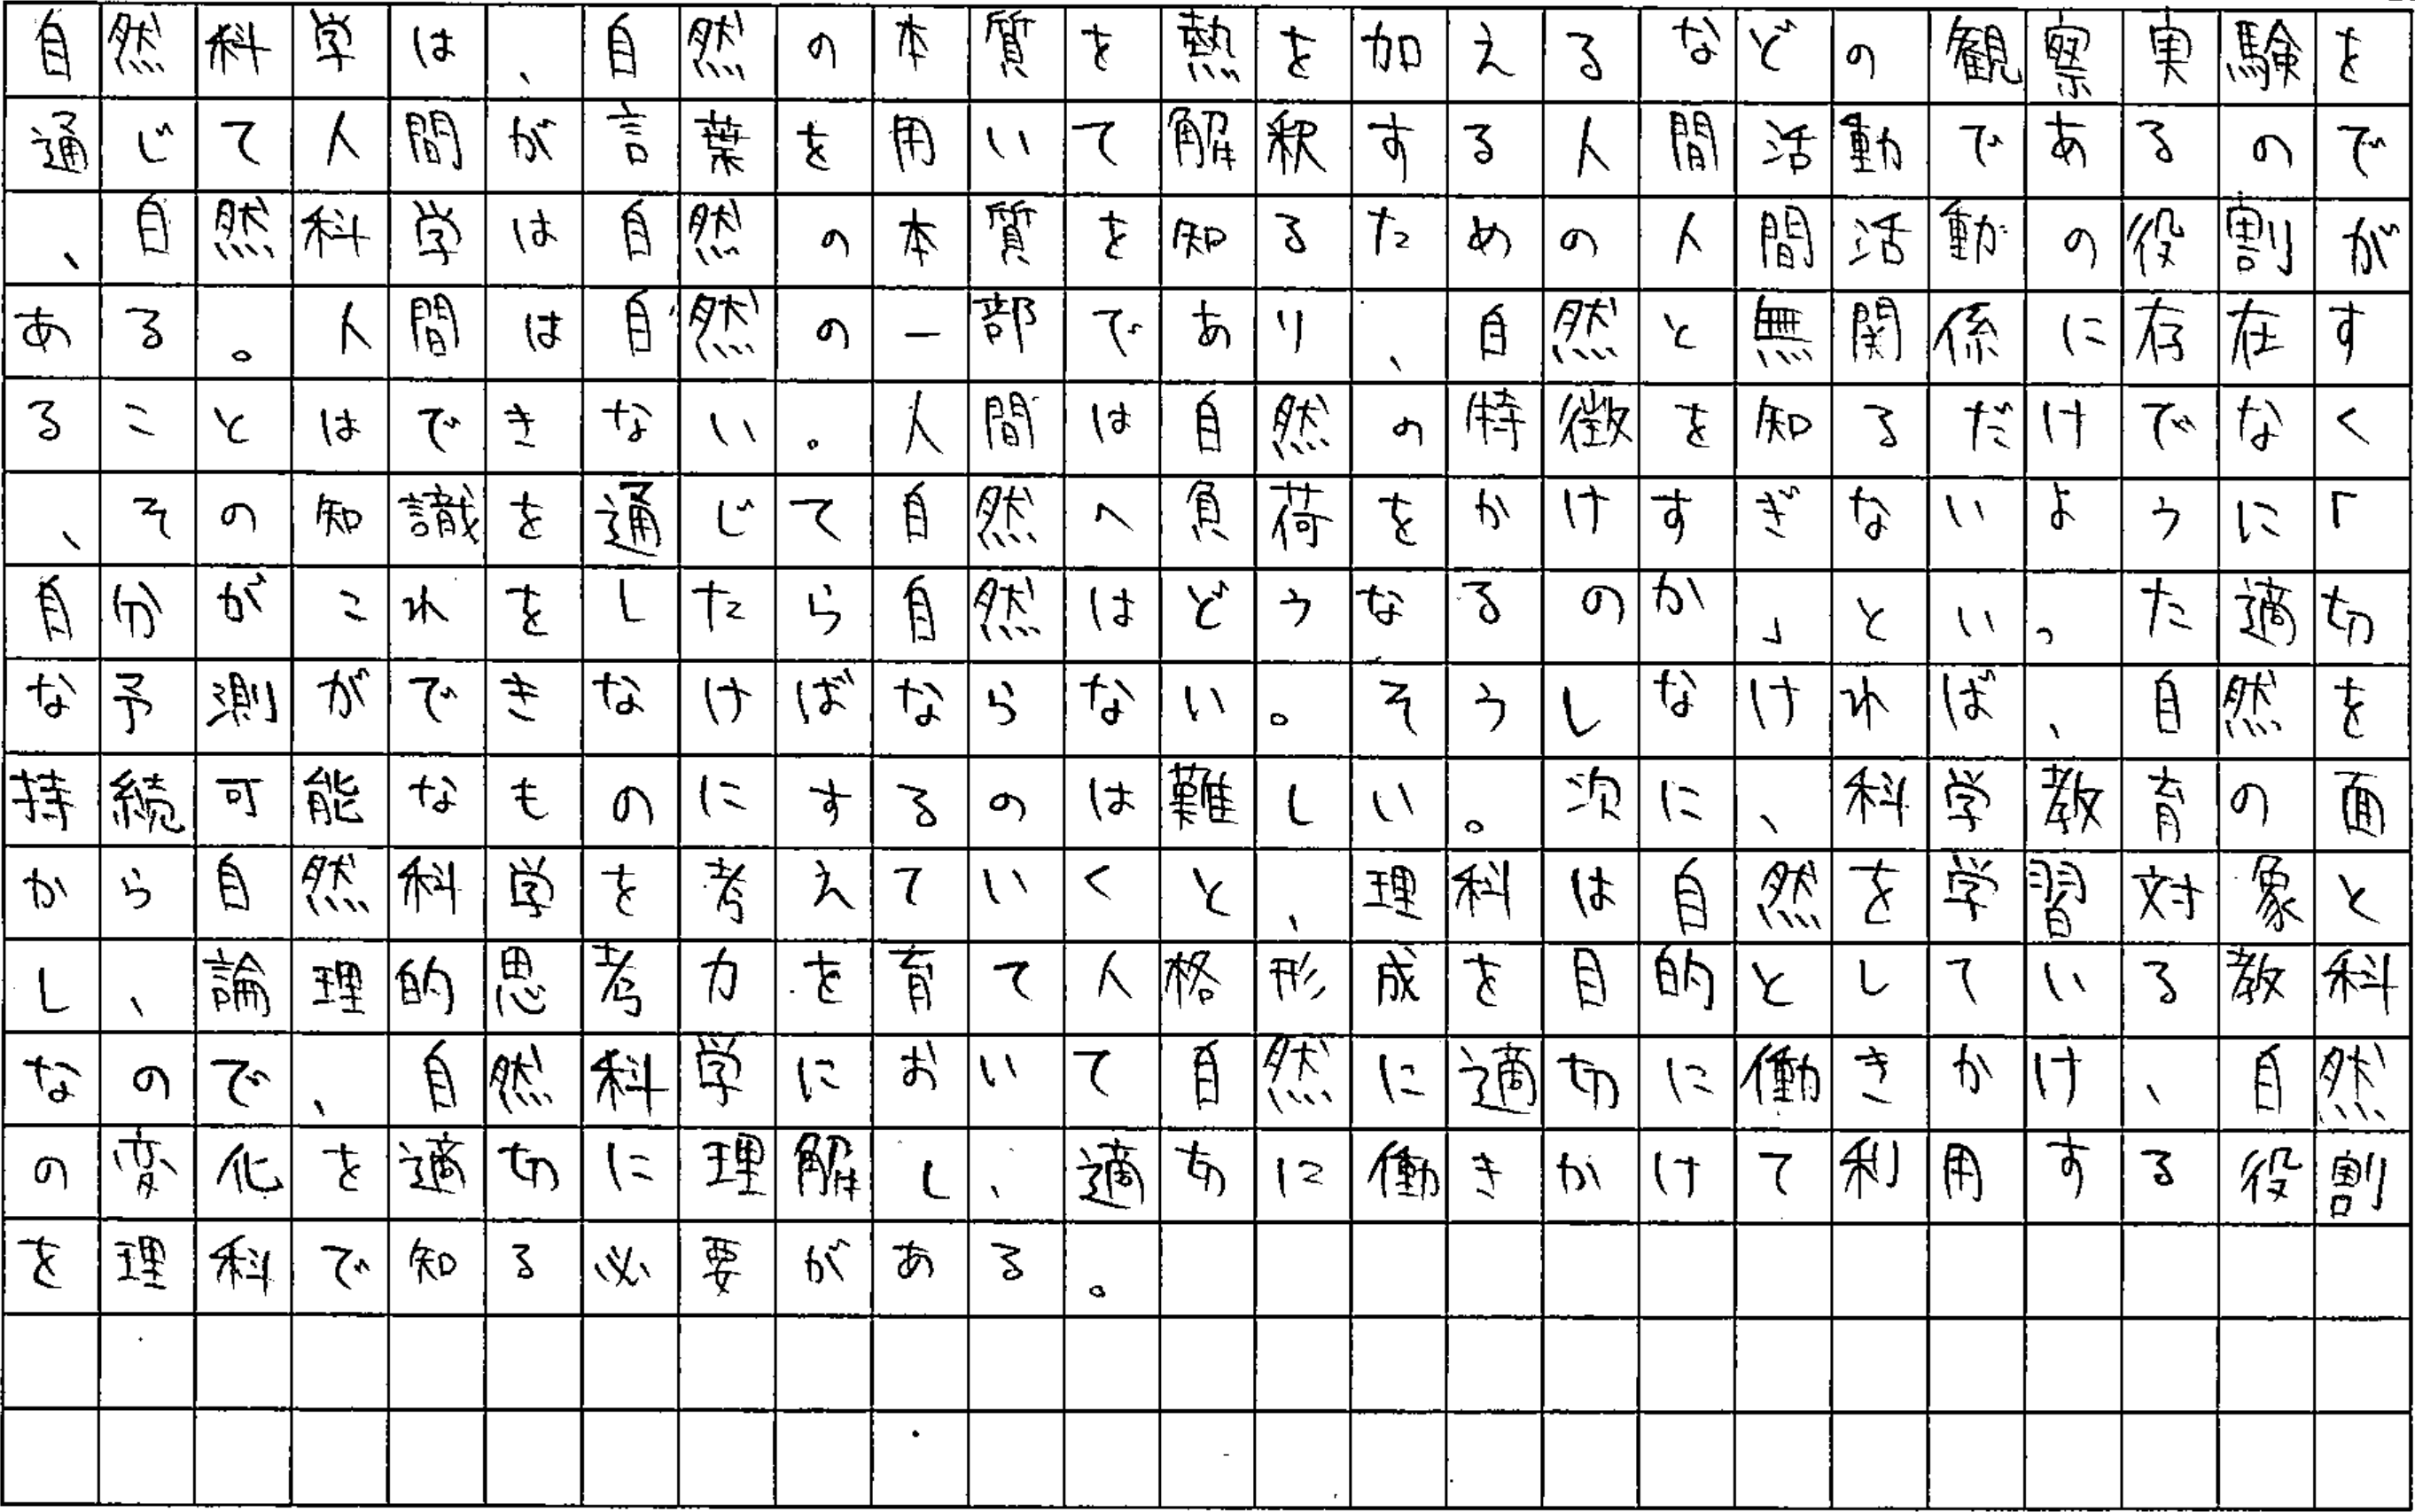自然科学は、自然の本質を熱を加えるなどの観察実験を通じて人間が言葉を用いて解釈する人間活動であるので、自然科学は自然の本質を知るための人間活動の役割がある。人間は自然の一部であり、自然と無関係に存在することはできない。人間は自然の特徴を知るだけでなく、その知識を通じて自然への負荷をかけすぎないように「自分がこれをしたら自然はどうなるのか」といった適切な予測ができなけばならない。そうしなければ、自然を持続可能なものにするのは難しい。つぎに、科学教育の面から自然科学を考えていくと、理科は自然を学習対象とし、論理的思考力を育て人格形成を目的としている教科なので、自然科学において自然に適切に働きかけ、自然の変化を適切に理解し、適切に働きかけて利用する役割を理科で知る必要がある。
